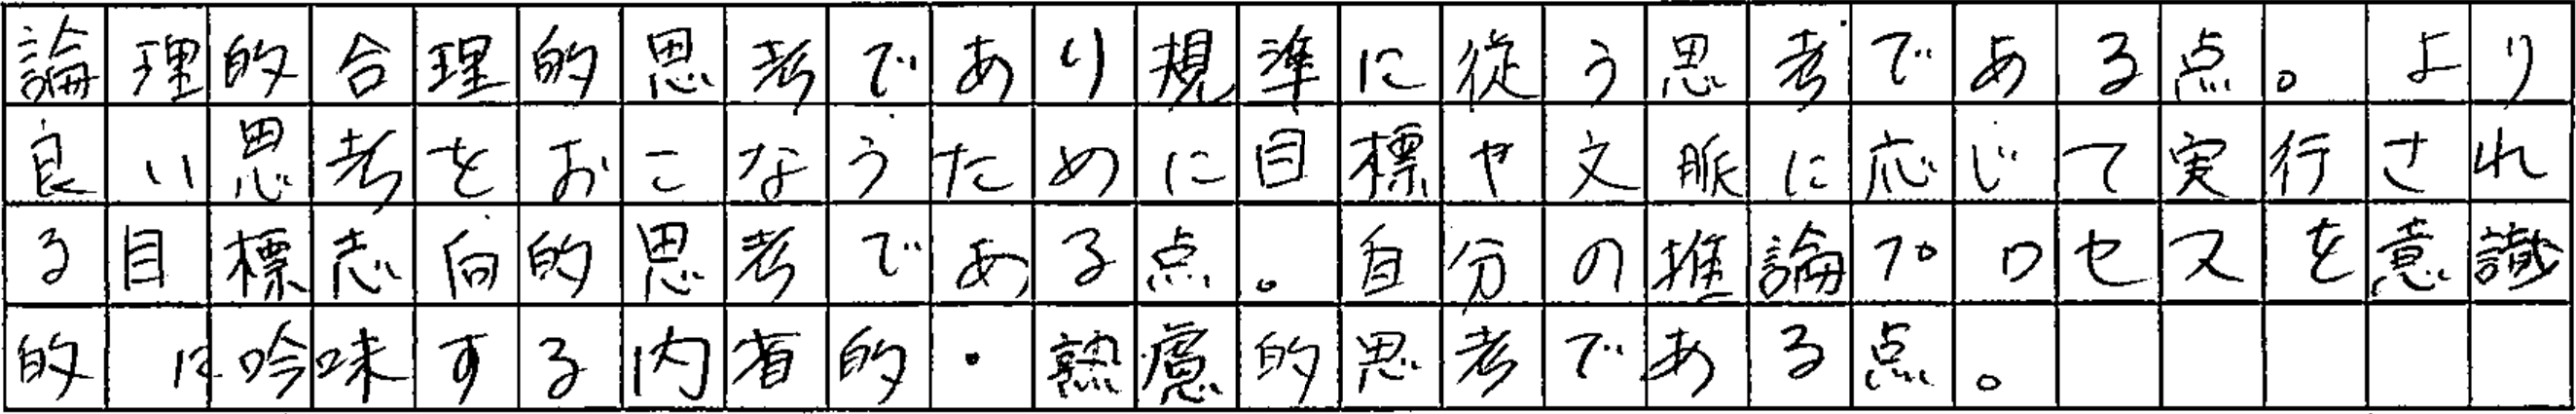論理的合理的思考であり規準に従う思考である点。より良い思考をおこなうために目標や文脈に応じて実行される目標志向的思考である点。自分の推論プロセスを意識的に吟味する内省的・熟慮的思考である点。
